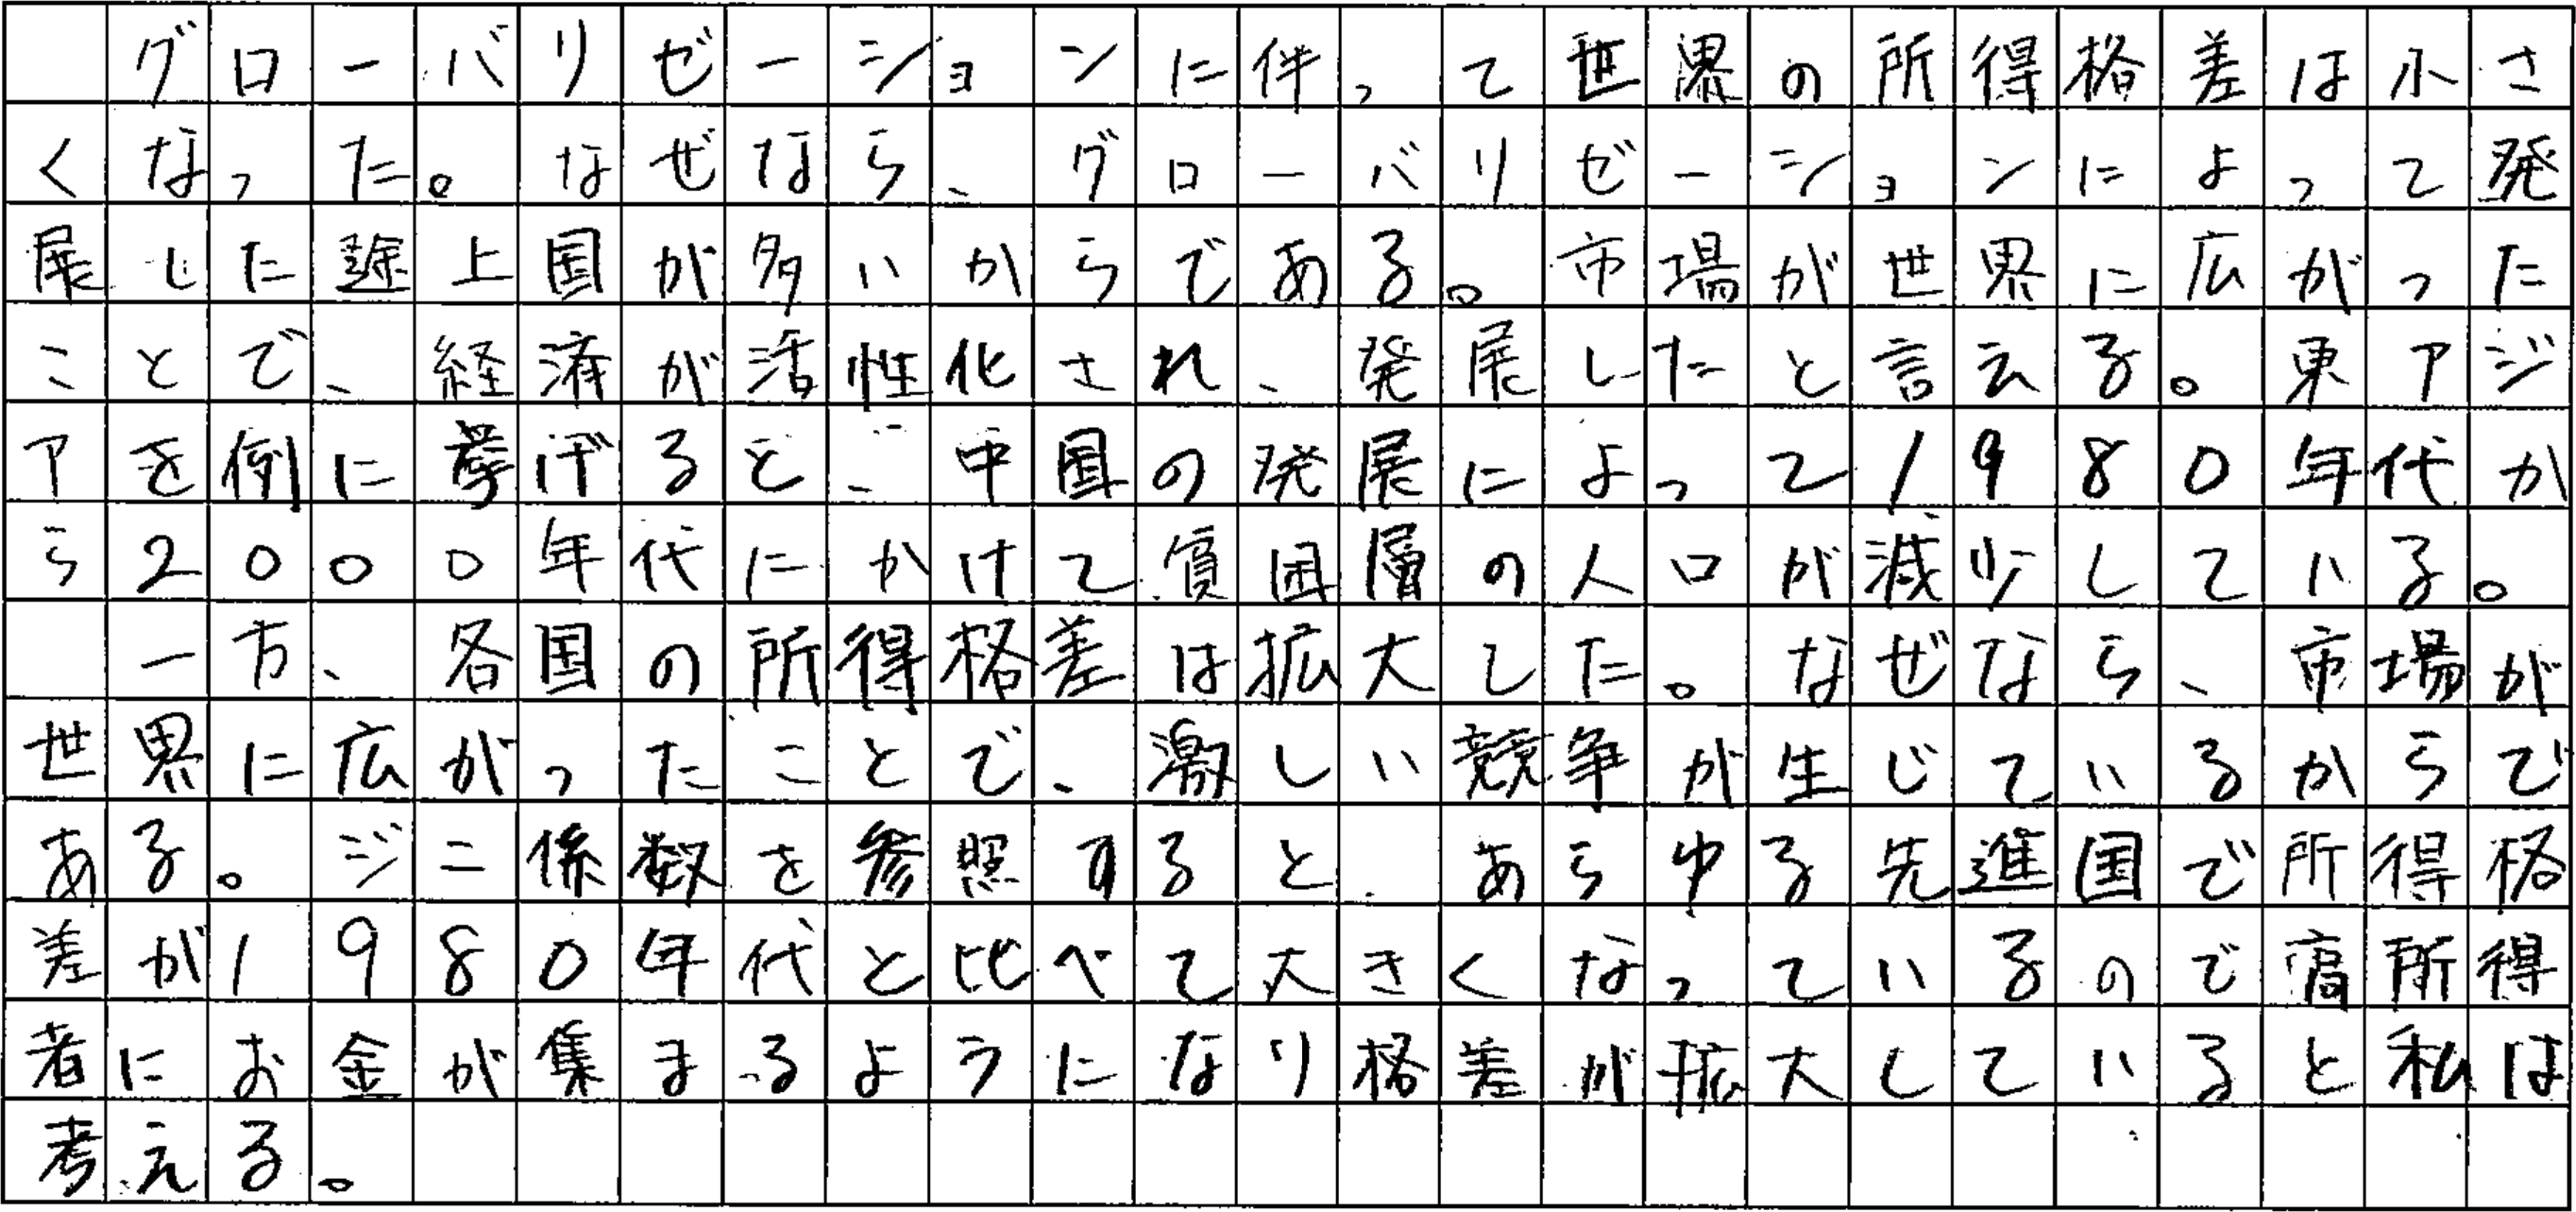　グローバリゼーションに伴って世界の所得格差は小さくなった。なぜなら、グローバリゼーションによって発展した途上国が多いからである。市場が世界に広がったことで、経済が活性化され、発展したと言える。東アジアを例に挙げると、中国の発展によって１９８０年代から２０００年代にかけて貧困層の人口が減少している。
　一方、各国の所得格差は拡大した。なぜなら、市場が世界に広がったことで、激しい競争が生じているからである。ジニ係数を参照すると、あらゆる先進国で所得格差が１９８０年代と比べて大きくなっているので高所得者にお金が集まるようになり格差が拡大していると私は考える。
